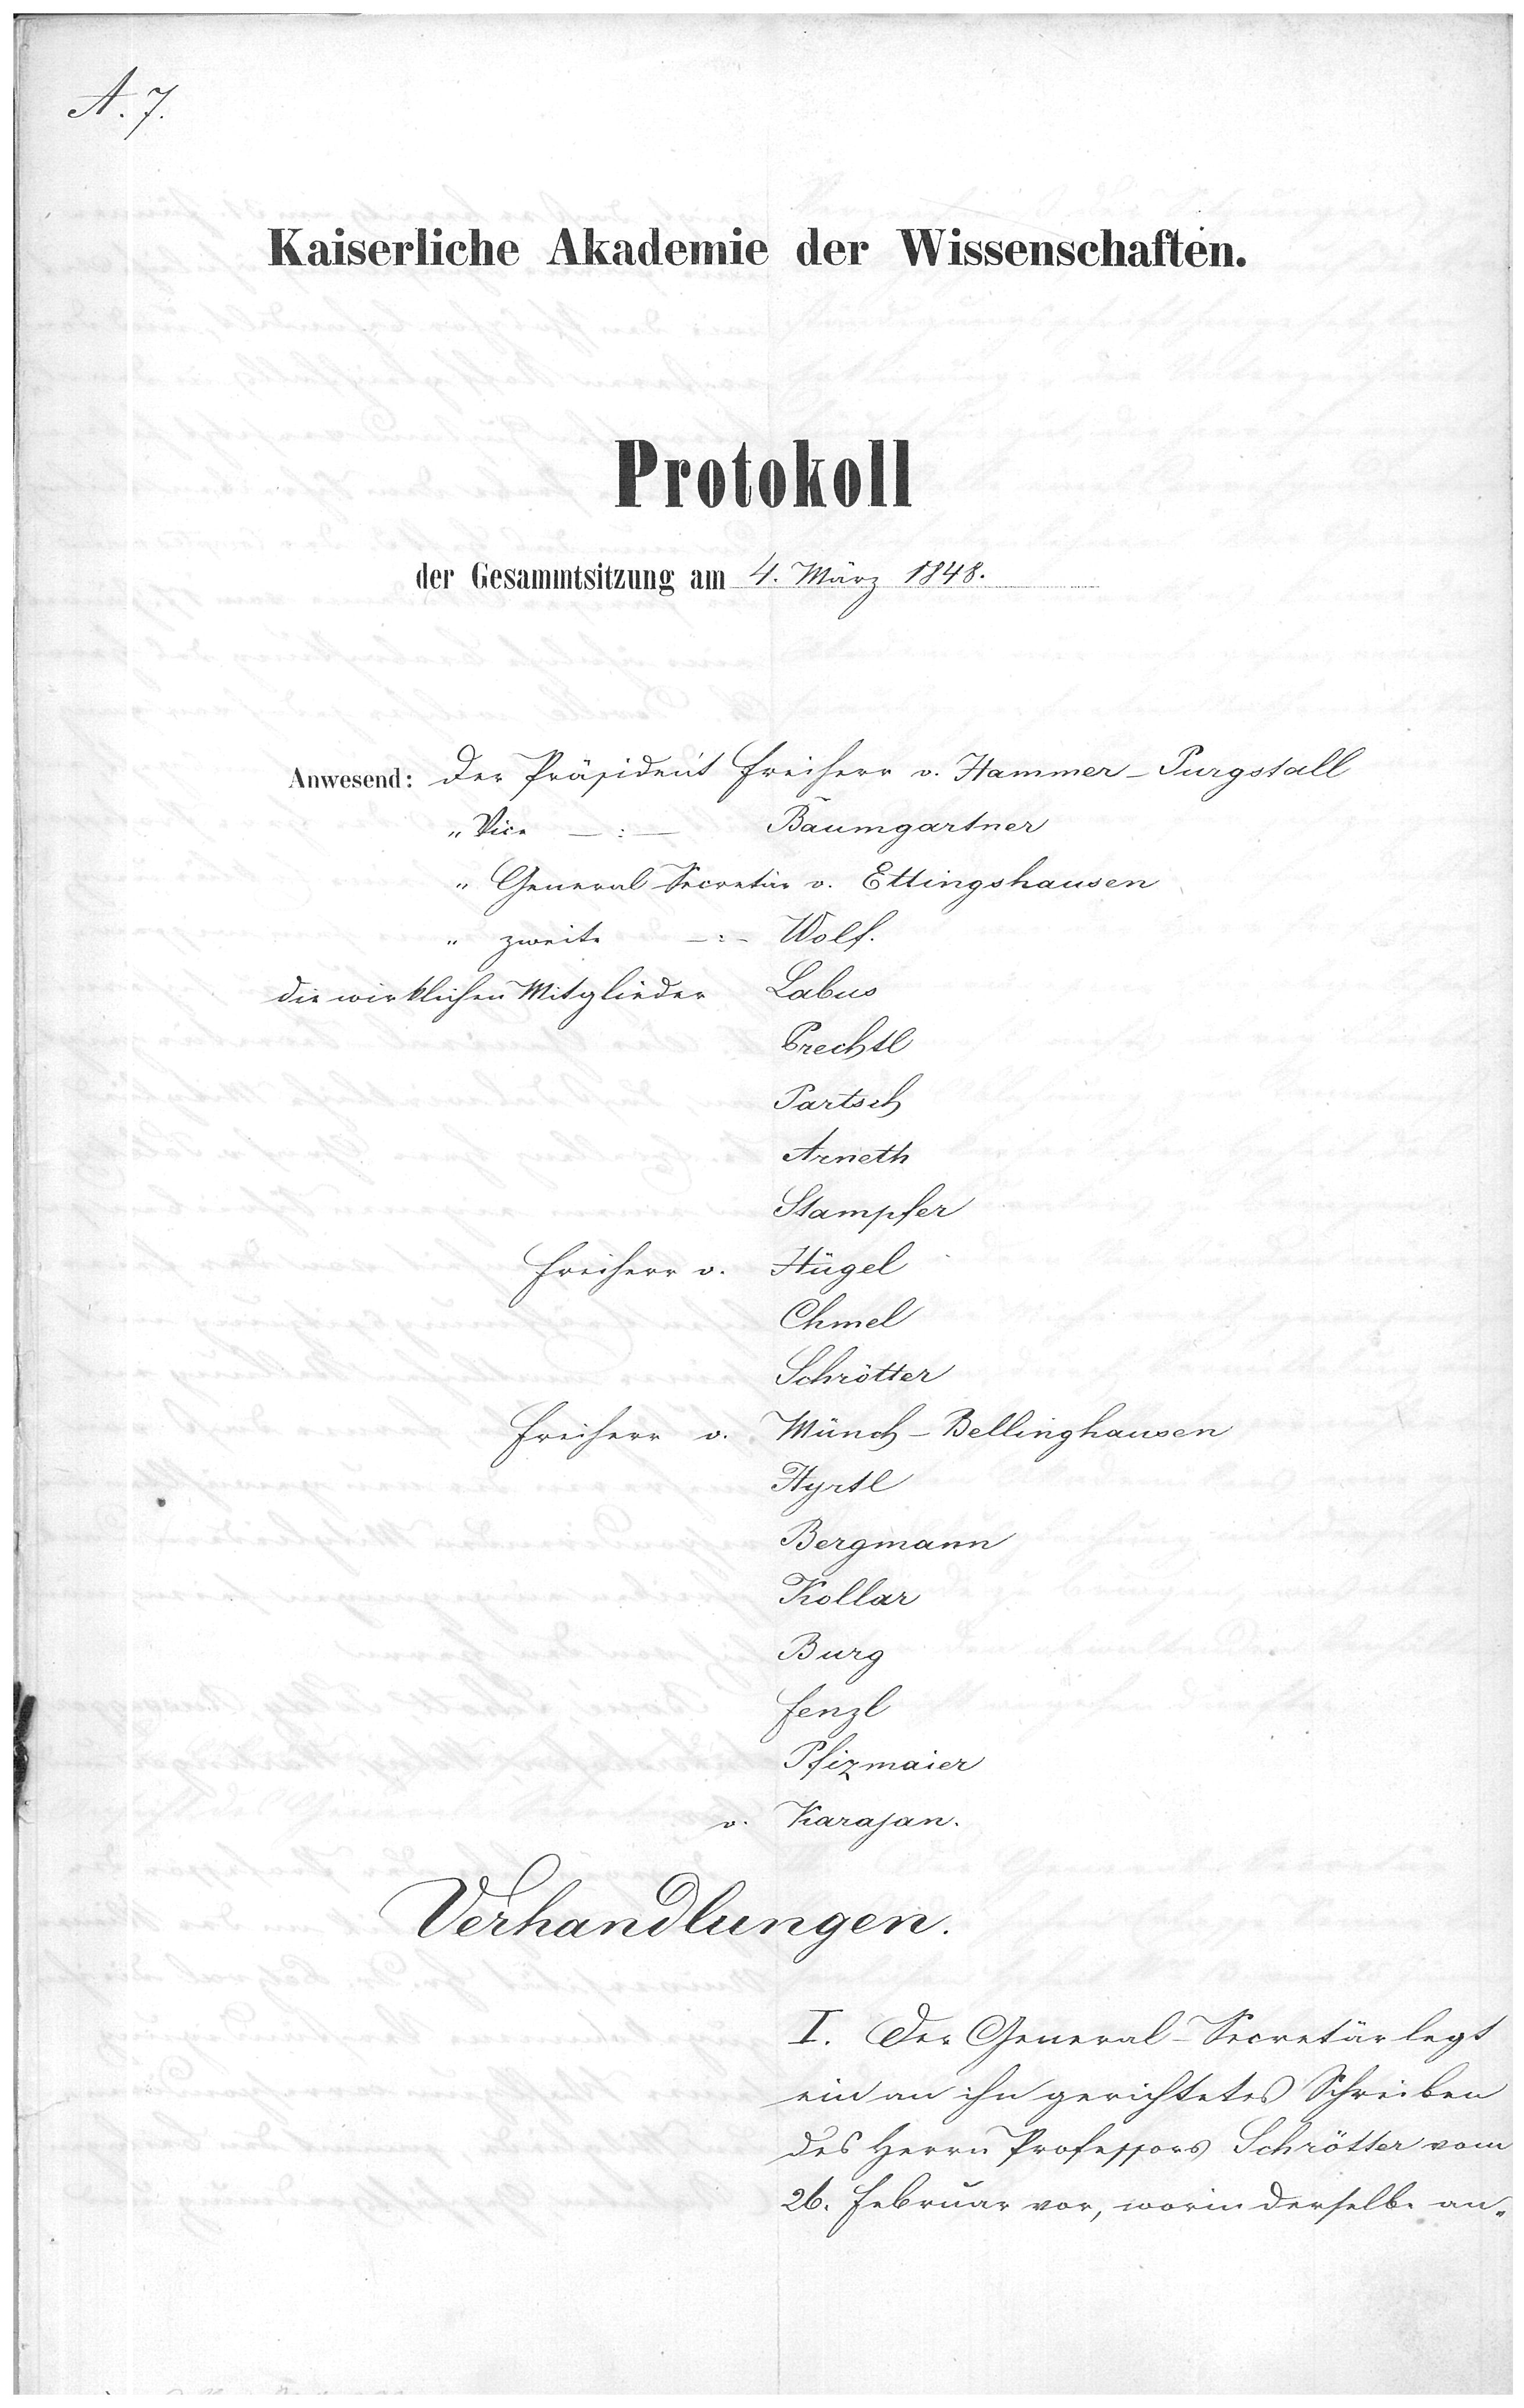A. 7.
Kaiserliche Akademie der Wissenschaften.
Protokoll
der Gesammtsitzung am 4. März 1848.
Anwesend: Der Präsident Freiherr v. Hammer-Purgstall
" Vice- . . . . . . Baumgartner
" General-Secretär v. Ettingshausen
" zweite . . . . . Wolf
die wirklichen Mitglieder
Labus
Prechtl
Partsch
Arneth
Stampfer
Hügel
Chmel
Schrötter
Münch-Bellinghausen
Hyrtl
Bergmann
Kollar
Burg
Fenzl
Pfizmaier
Karajan
Freiherr v.
Freiherr v.
v.
Verhandlungen.
I. Der General-Secretär legt
ein an ihn gerichtetes Schreiben
des Herrn Professors Schrötter vom
26. Februar vor, worin derselbe an-